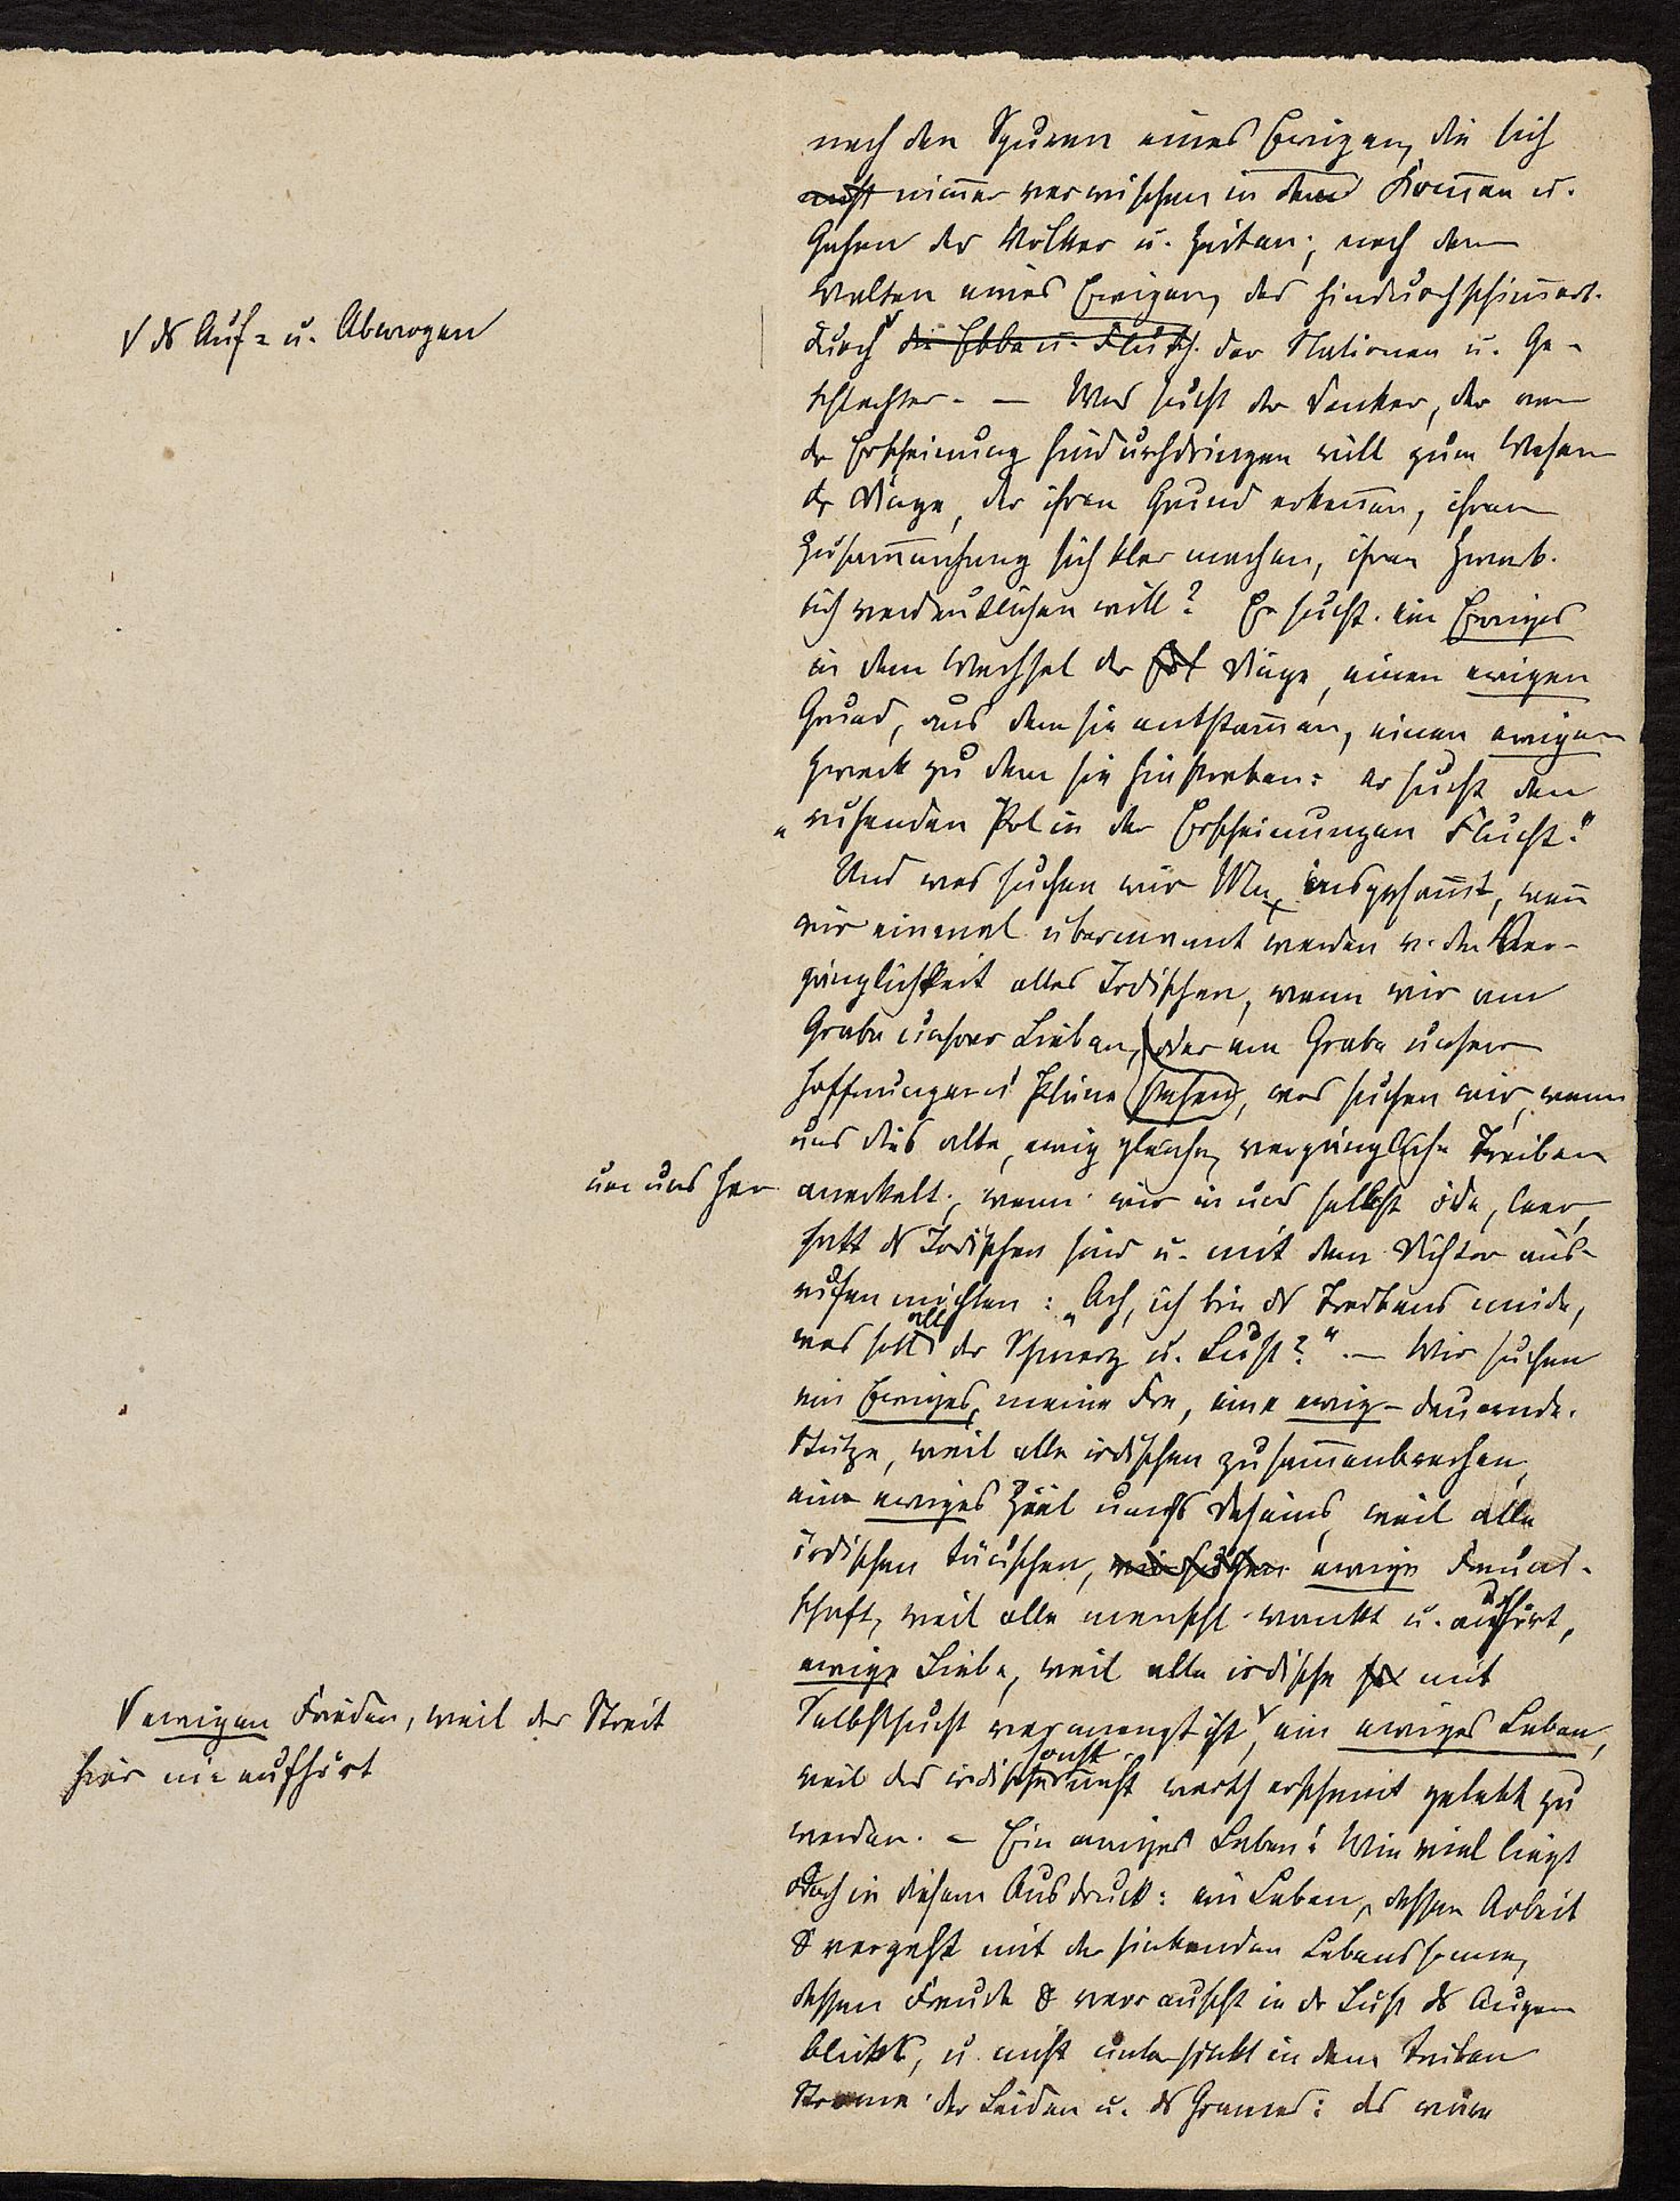V ds Auf- u. Abwogen
um uns her
V ewigen Frieden, weil der Srreit
hier nie aufhört
nach den Spuren eines Ewigen, die sich
nicht nimer vermischen in dm Komen u.
Gehen der Völker u. Zeiten; nach dem
Walten eines Ewigen, des hindurchschimert.
durch die Ebben u. Flut der Nationen u. Ge¬
schlechter. _ Was sucht der Denker, der von
dr Erscheinung hindurchdringen will zum Wesen
dr Dinge, der ihren Grund erkennen, ihren
Zusamenhang sich klar machen, ihren Zweck.
sich verdeutlichen will? Er sucht ein Ewiges
in dem Wechsel der Ers Dinge, einen ewigen
Grund, aus dem sie entstamen, einen ewigen
Zweck zu dem sie hinstreben: er sucht den
"ruhenden Pol in der Erscheinungen Flucht!"
Und was suchen wir Mn insgesamt, wen
wir einmal übermamnt werden v. dr Ver¬
gänglichkeit alles Irdischen, wenn wir am
Grabe unsrer Lieben, oder am Grabe unser
Hoffnungen u Pläne stehen, was suchen wir, wenn
uns dies alte, weig gleich, vergängliche Treiben
anekelt, wenn wir in uns selbst öde, leer
satt ds Irdischen sind u. mit dem Dichter aus¬
rufen möchten: "Ach, ich bin ds Treibens müde,
was soll der Schmerz u. Lust?" _ Wir suchen
ein Ewiges, meine Frn, ein ewig-dauernde.
Stütze, weil alle irdischen zusamenbrechen,
ein ewiges Ziel unss Daseins, weil alle
irdischen täuschen, wir suchen ewige Freund¬
schaft, weil alle menschl wankt u. aufhört,
ewige Liebe, weil alle irdische so mit
Selbstsucht vermengt ist, ein ewiges Leben,
sonst
weil das irdische nichts werth erscheint gelebet zu
werden. _ Ein ewiges Leben! Wie viel liegt
doch in diesem Ausdruck: ein Leben,. dessen Arbeit
o vergeht mit dem sinkenden Lebenssamen
dessen Freude o verrauscht in dr Lust ds Augen¬
blicks, u nicht untersinkt in dem trüben
Strome der Leiden u. ds Grames: ds wäre